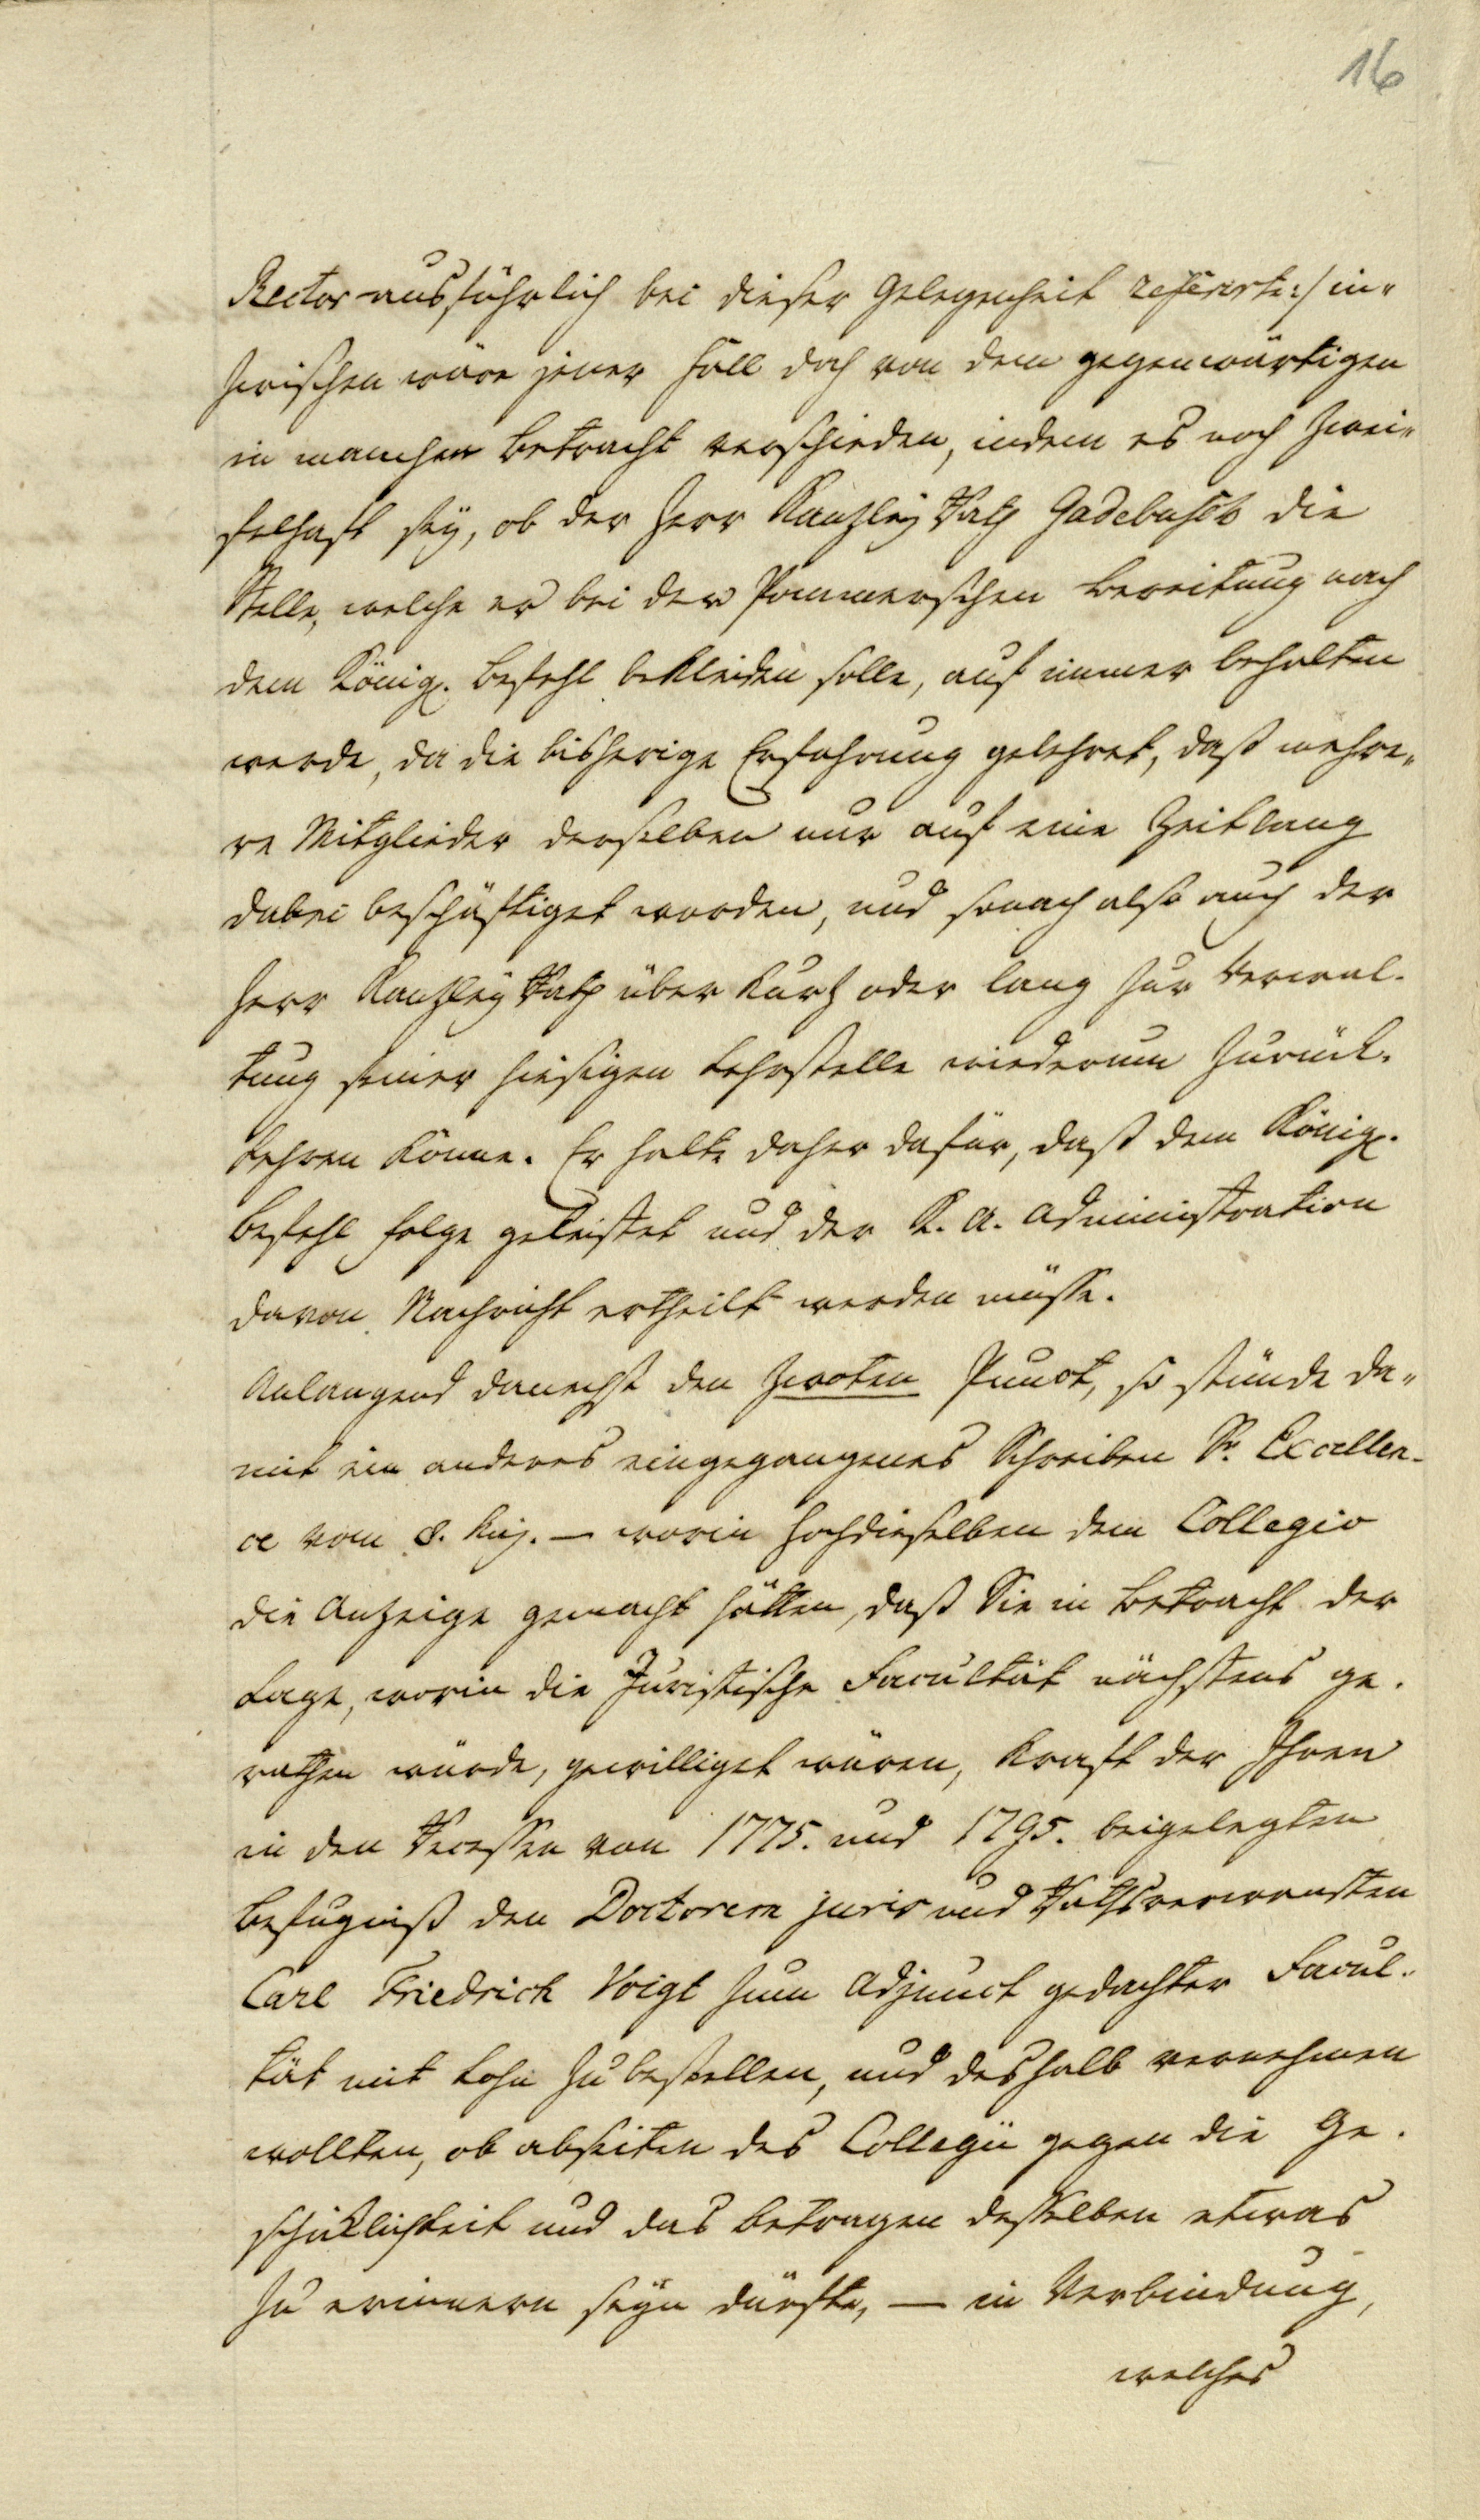Rector ausführlich bei dieser Gelegenheit referirte / in¬
zwischen wäre jener Fall doch von dem gegenwärtigen
in manchen Betracht verschieden, indem es noch zwei¬
felhaft seÿ, ob der herr Kanzleÿ Rath Gadebusch die
Stelle, welche er bei der Pommerschen Bereitung nach
dem Königl. Befehl bekleiden solle, auf immer behalten
werde, da die bisherige Erfahrung gelehret, daß mehre¬
re Mitglieder derselben nur auf eine Zeitlang
dabei beschäftiget worden, und sonach also auch der
herr Kanzleÿ Rath über kurz oder lang zur Verwal¬
tung seiner hiesigen Lehrstelle wiederum zurück¬
kehren könne. Er halte daher dafür, daß dem Königl.
Befehl Folge geleistet und der K. A. Administration
davon Nachricht ertheilt werden müsse.
Anlangend danechst den zwoten Punct, so stünde da¬
mit ein anderes eingegangenes Schreiben Sr. Excellen¬
ce vom 8. huj. worin hochdieselben dem Collegio
die Anzeige gemacht hätten, daß Sie in Betracht der
Lage, worin die Juristische Facultät nächstens ge¬
rathen würde, gewilliget wären, Kraft der Ihren
in den Recessen von 1775. und 1795. beigelegten
Befugniß den Doctorem juris und Rechtsverwandten
Carl Friedrich Voigt zum Adjunct gedachter Facul¬
tät mit Lohn zu bestellen, und deshalb vernehmen
wollten, ob abseiten des Collegii gegen die Ge¬
schicklichkeit und das Betragen desselben etwas
zu erinnern seÿn dürfte, in Verbindung,
welches